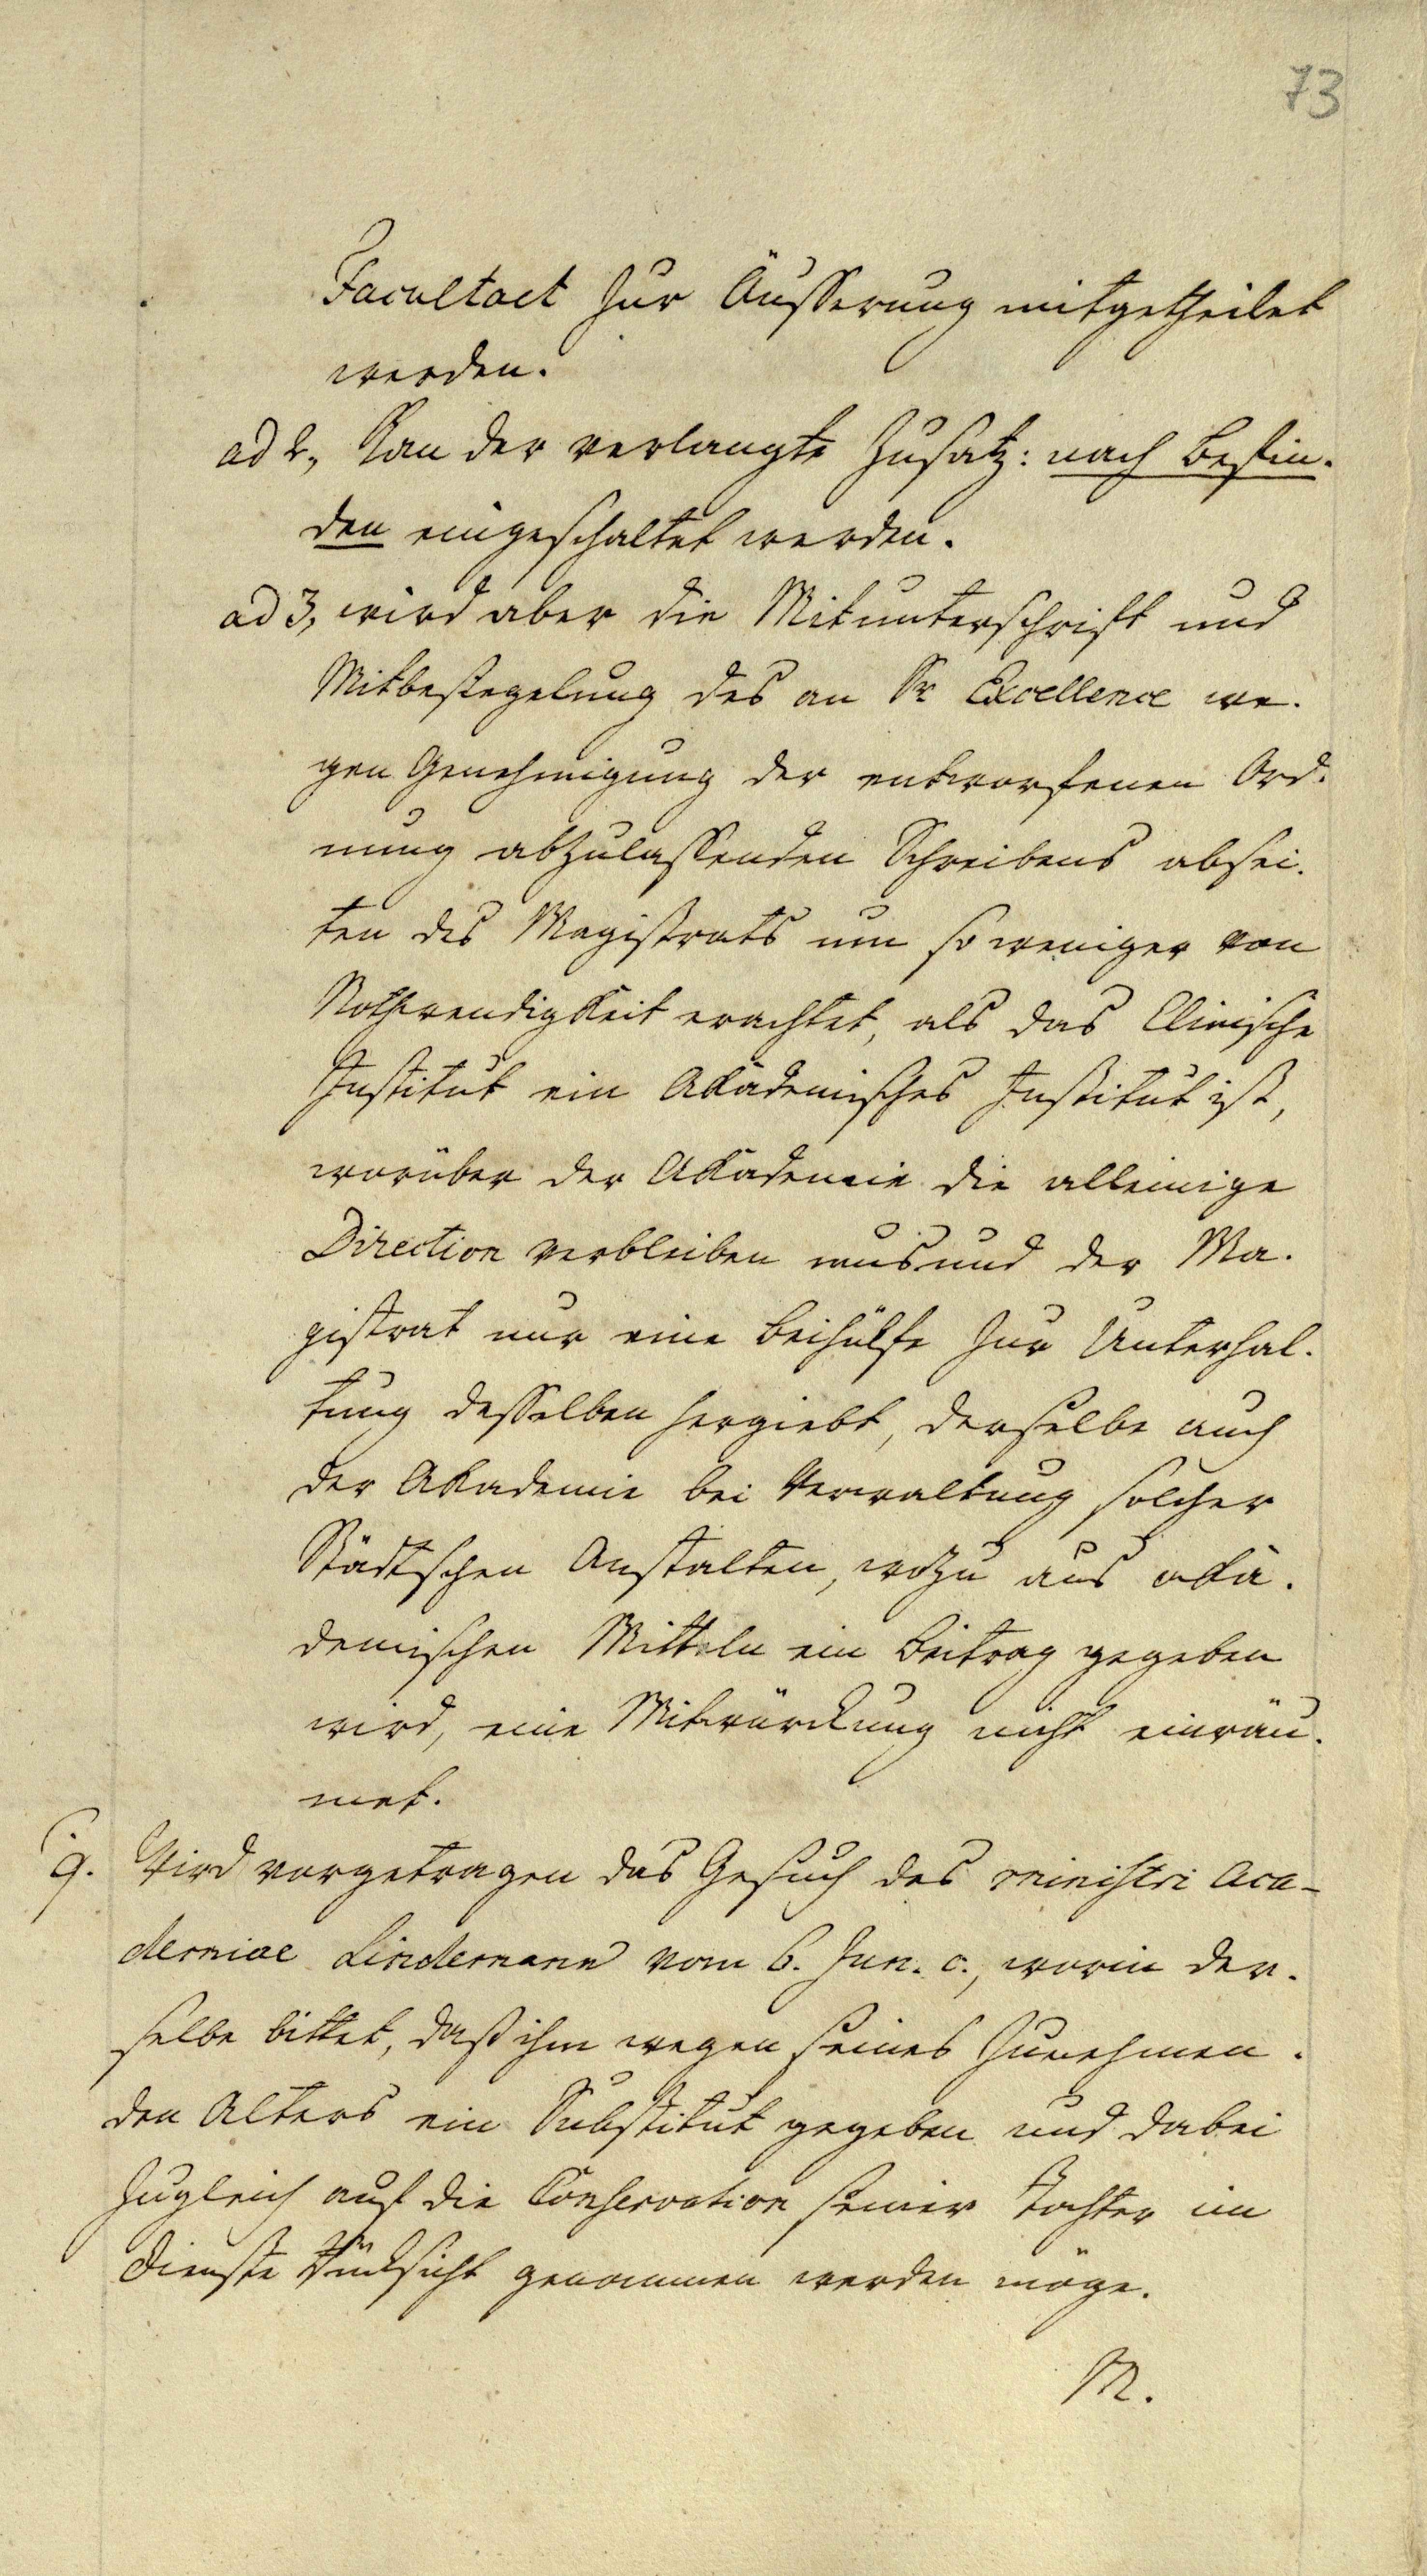Facultaet zur Äusserung mitgetheilet
werden.
ad 2., Kan der verlangte Zusatz: nach Befin¬
den eingeschaltet werden.
ad 3, wird aber die Mitunterschrift und
Mitbesiegelung des an Sr Excellence we¬
gen Genehmigung der entworfenen Ord¬
nung abzulassenden Schreibens absei¬
ten des Magistrats um so weniger von
Nothwendigkeit erachtet, als das Clinische
Institut ein Akademisches Institut ist,
worüber der Akademie die alleinige
Direction verbleiben mus und der Ma¬
gistrat nur eine Beihülfe zur Unterhal¬
tung desselben hergiebt, derselbe auch
der Akademie bei Verwaltung solcher
Städtschen Anstalten, wozu aus aka¬
demischen Mitteln ein Beitrag gegeben
wird, eine Mitwürckung nicht einräu¬
met.
9. Wird vorgetragen das Gesuch des ministri Aca¬
demiae Lindemann vom 6. Jun. c., worin der¬
selbe bittet, daß ihm wegen seines zunehmen¬
den Alters ein Substitut gegeben und dabei
zugleich auf die Conservation seiner Tochter im
Dienste Rücksicht genommen werden möge.
M.